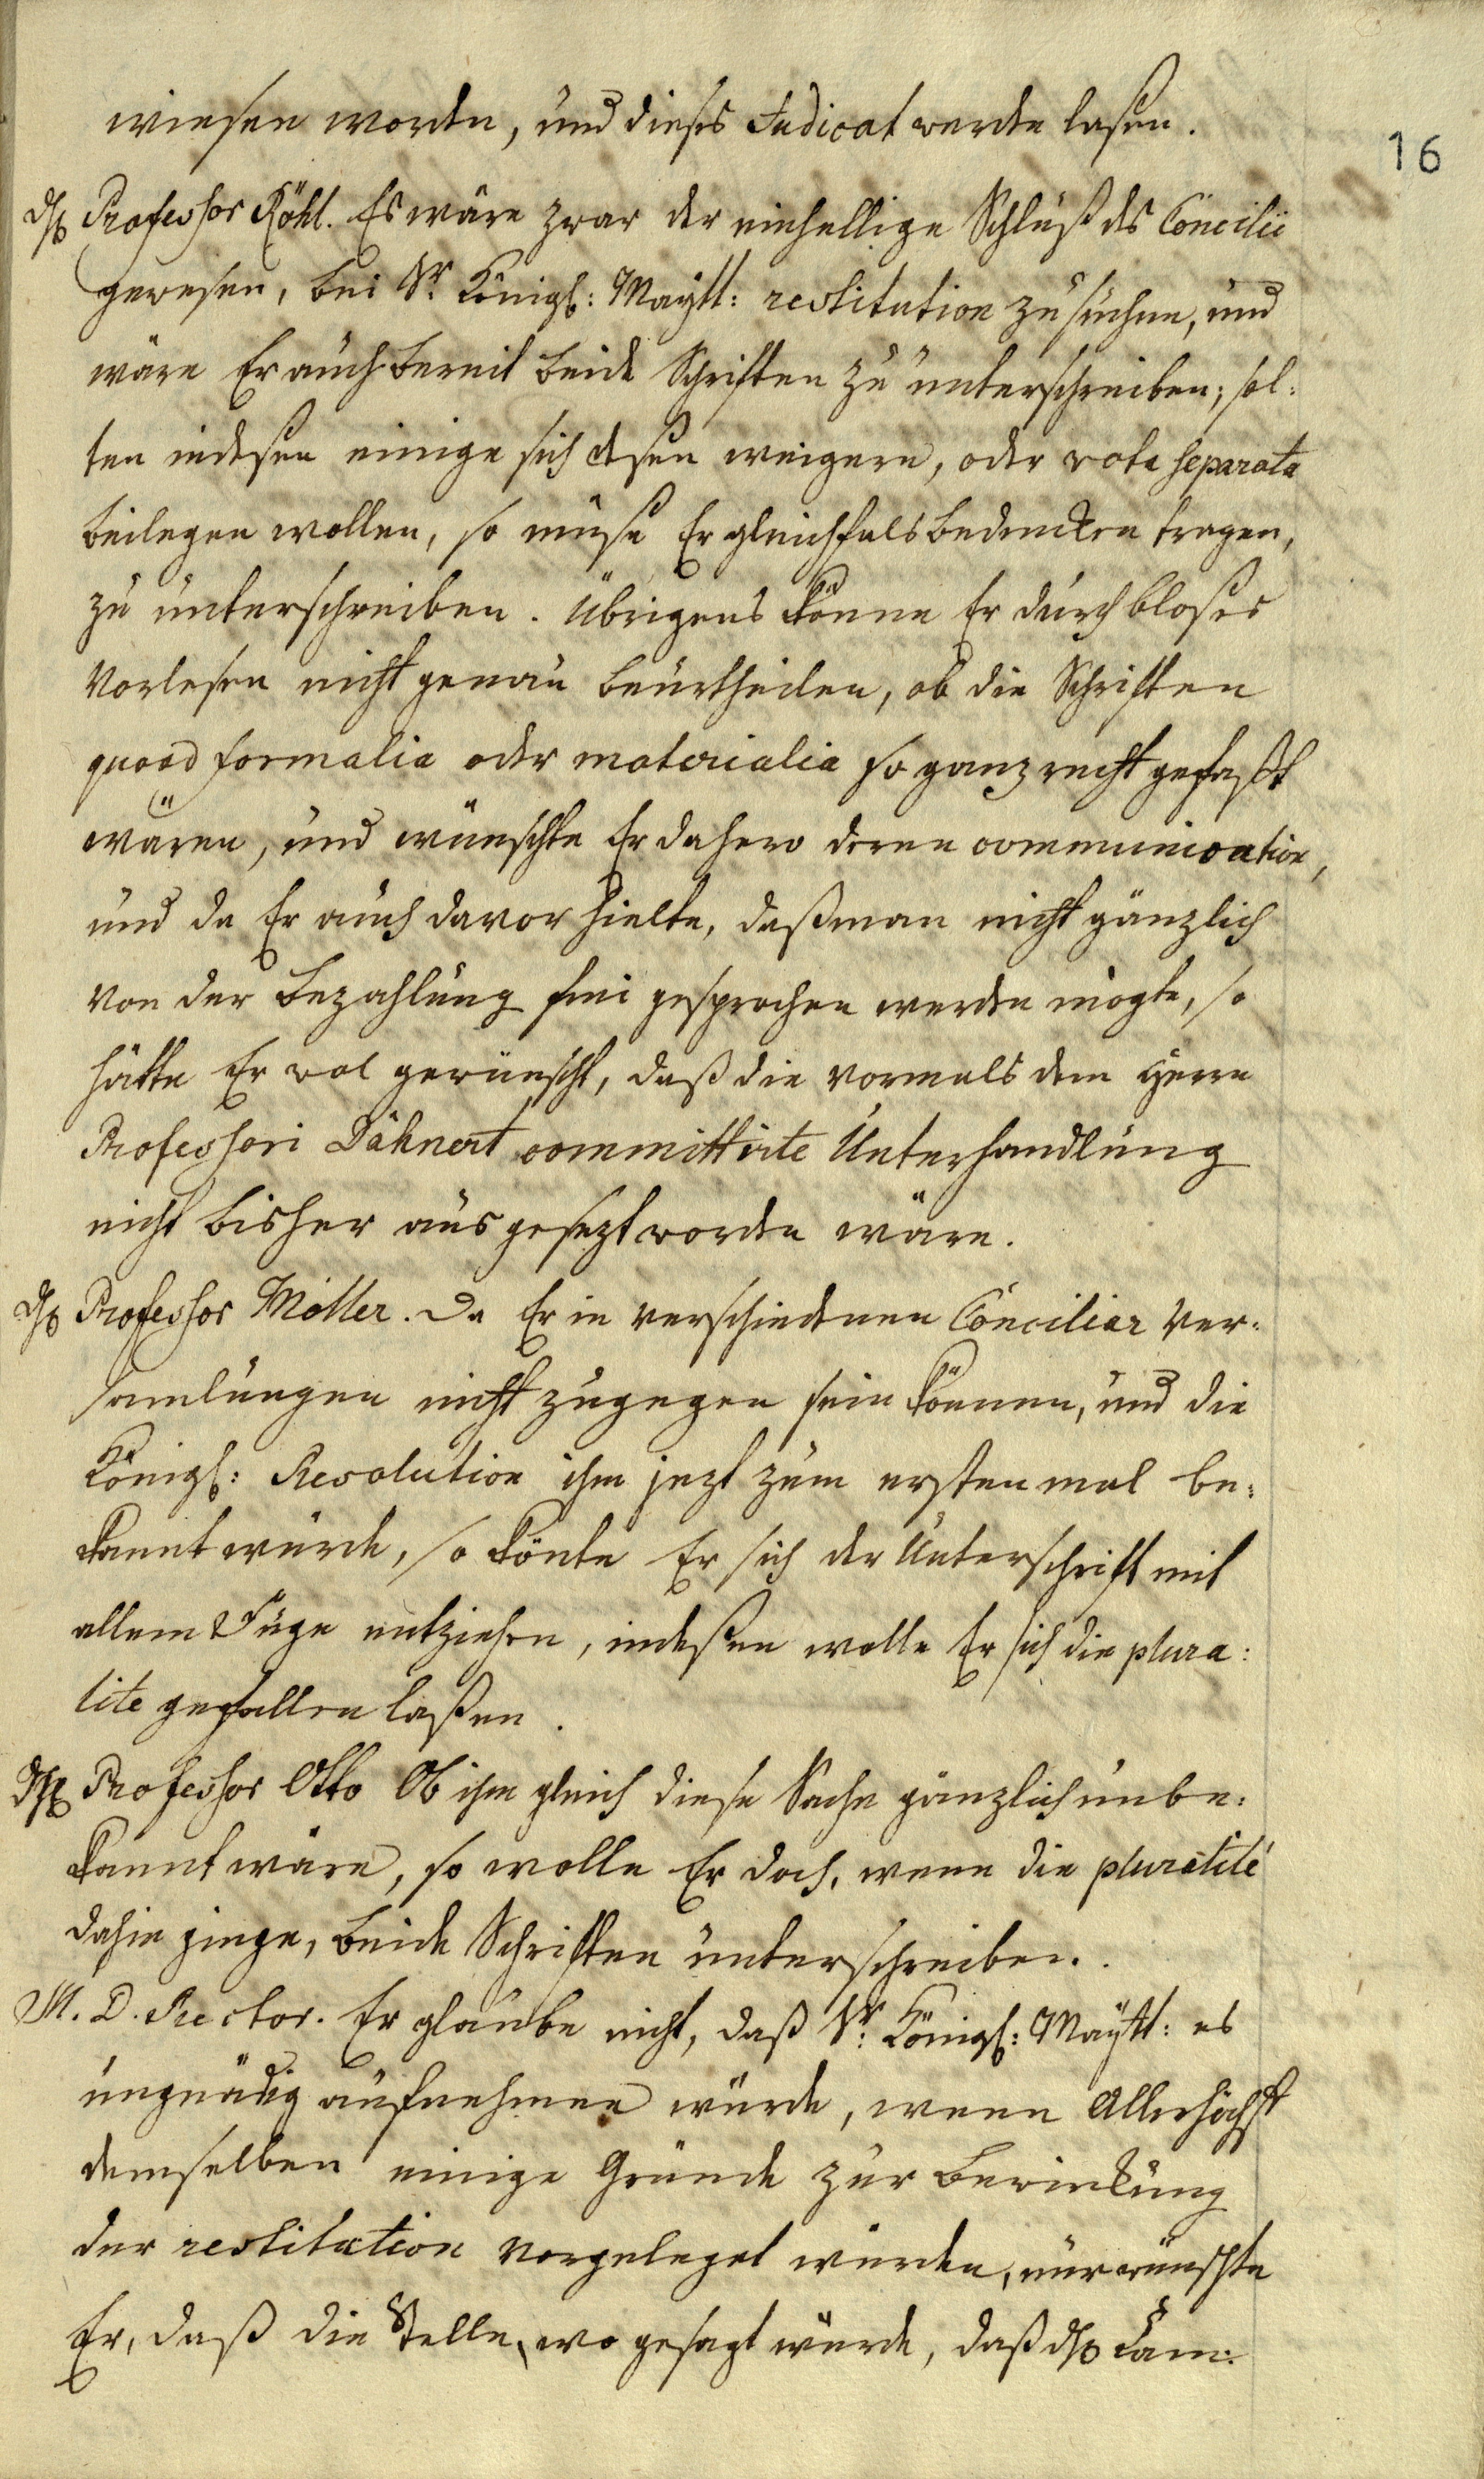wiesen worden, und dieses Judicat werden laßen.
dh Professor Röhl. Es wäre zwar der einhellige Schluß des Concilii
gewesen, bei Sr: Königl: Maÿst: resolution zu suchen, und
wäre Er auch bereit, beide Schriften zu unterschreiben; sol¬
ten indeßen einige sich dessen weigern, oder vota separata
beilegen wollen, so müße er gleichfals Bedencken tragen,
zu unterschreiben. Übrigens könne Er durch bloßes
Vorlesen nicht genau beurtheilen, ob die Schriften
quod formalia oder materialia so ganz recht gefaßt
wären, und wünschte Er dahero deren communication
und da Er auch davor hielte, daßman nicht gänzlich
von der Bezahlung frei gesprochen werden mögte, so
hätte Er wol gewünscht, daß die vormals dem Herrn
Professori Dähnert committirte Unterhandlung
nicht bisher ausgesezt worden wäre.
dh Professor Möller. Da Er in verschiedenen Conciliar Ver¬
samlungen nicht zugegen sein können, und die
Königl: Resolution ihm jezt zum ersten mal be¬
kannt würde, so könte Er sich der Unterschrift mit
allem Fuge entziehen, indeßen wolle Er sich die plura¬
lite gefallen laßen.
dh Professor Otto Ob ihm gleich diese Sache gänzlich unbe¬
kannt wäre, so wolle Er doch, wenn die pluralité
dahin ginge, beide Schriften unterschreiben.
M. D. Rector. Er glaube nicht, daß Sr: Königl: Maÿst: es
ungnädig aufnehmen würde, wenn Allerhöchst
demselben einige Gründe zur Bewirckung
der restitution vorgeleget würden, nur wünschte
Er, daß die Stelle, wo gesagt würde, daß dh Cam: